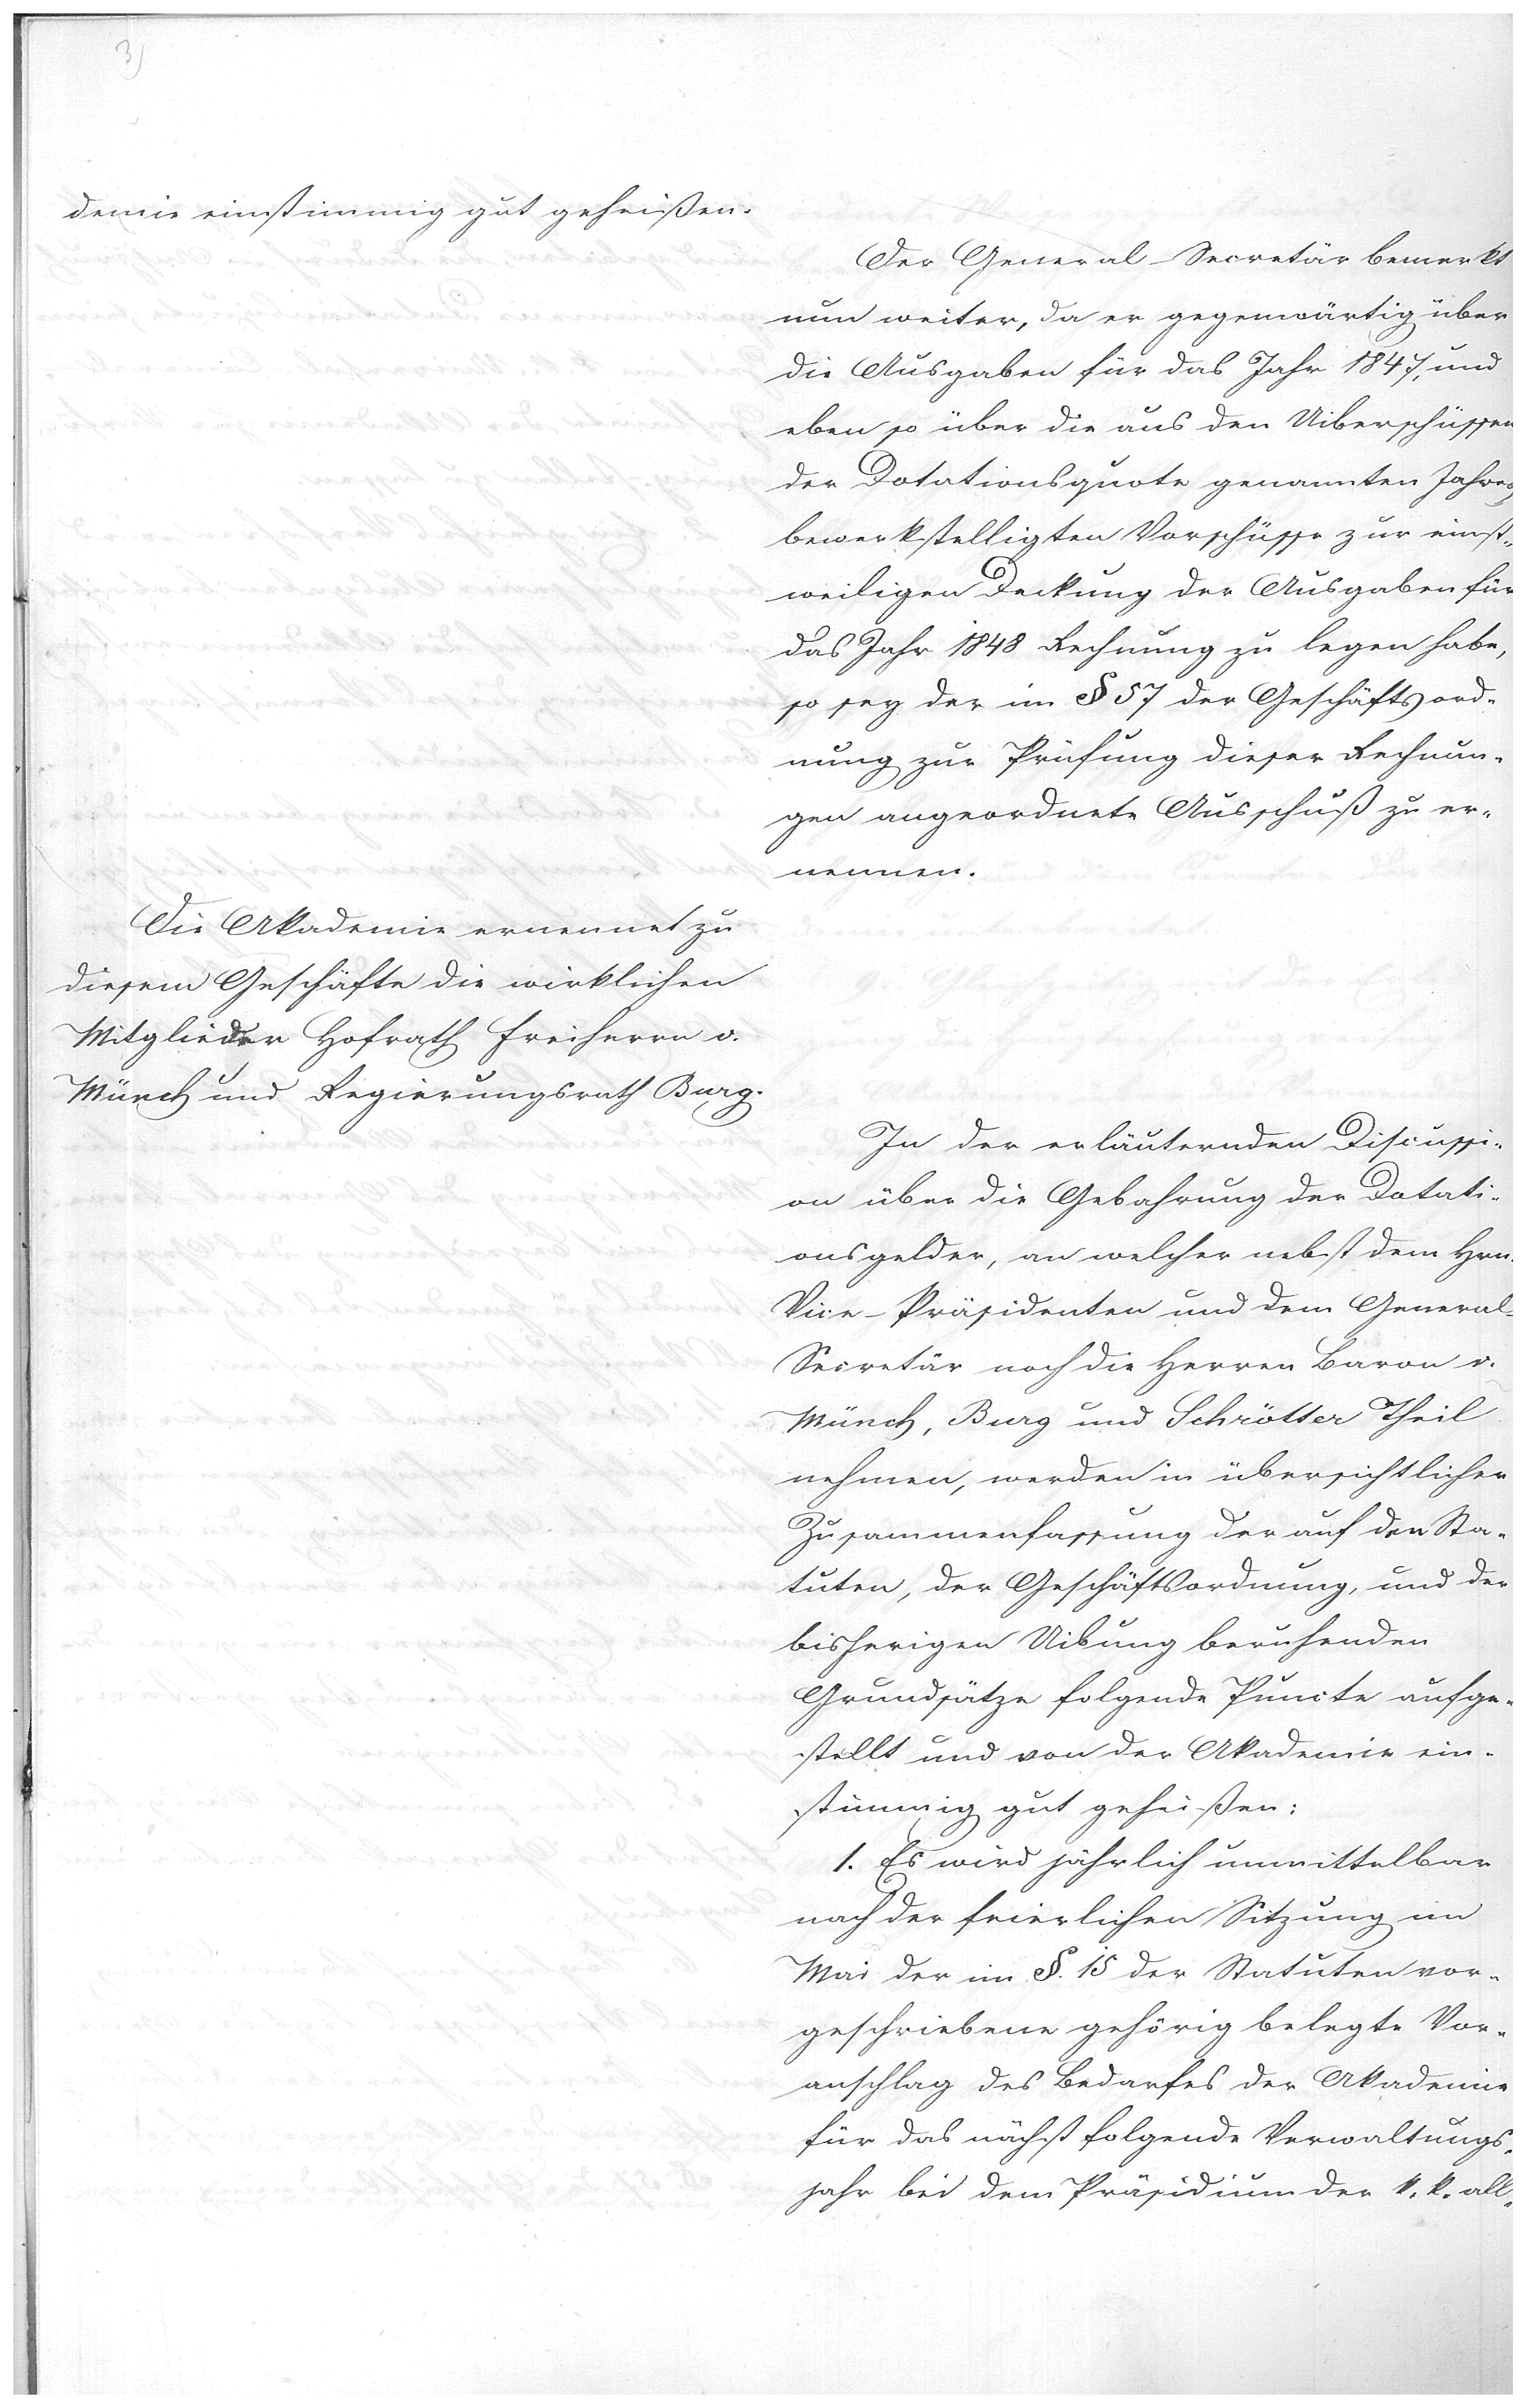demie einstimmig gut geheißen.
Der General-Secretär bemerkt
nun weiter, da es gegenwärtig über
die Ausgaben für das Jahr 1847 und
eben so über die aus den Uiberschüssen
der Dotationsquote genannten Jahre
bewerkstelligten Vorschüsse zur einst-
weiligen Deckung der Ausgaben für
das Jahr 1848 Rechnung zu legen habe;
so sey der in § 57 der Geschäftsord-
nung zur Prüfung dieser Rechnun-
gen angeordnete Ausschuß zu er-
nennen.
Die Akademie ernennet zu
diesem Geschäfte die wirklichen
Mitglieder Hofrath Freiherrn v.
Münch und Regierungsrath Burg.
In der erläuternden Discussi-
on über die Gebahrung der Dotati-
onsgelder, an welcher nebst dem Hrn.
Vice-Präsidenten und dem General-
Secretär noch die Herren Baron v.
Münch, Burg und Schrötter Theil
nehmen, werden im übersichtlicher
Zusammenfassung der auf den Sta-
tuten, der Geschäftsordnung, und der
bisherigen Sitzung berufenden
Grundsätze folgende Puncte aufge-
stellt und von der Akademie ein-
stimmig gut geheißen.
1. Es wird jährlich unmittelbar
nach der feierlichen Sitzung im
Mai der im § 15 der Statuten vor-
geschriebenen gehörig belegte Vor-
anschlag des Bedarfes der Akademie
für das nächst folgende Verwaltungs-
jahr bei dem Präsidium der k.k. all-